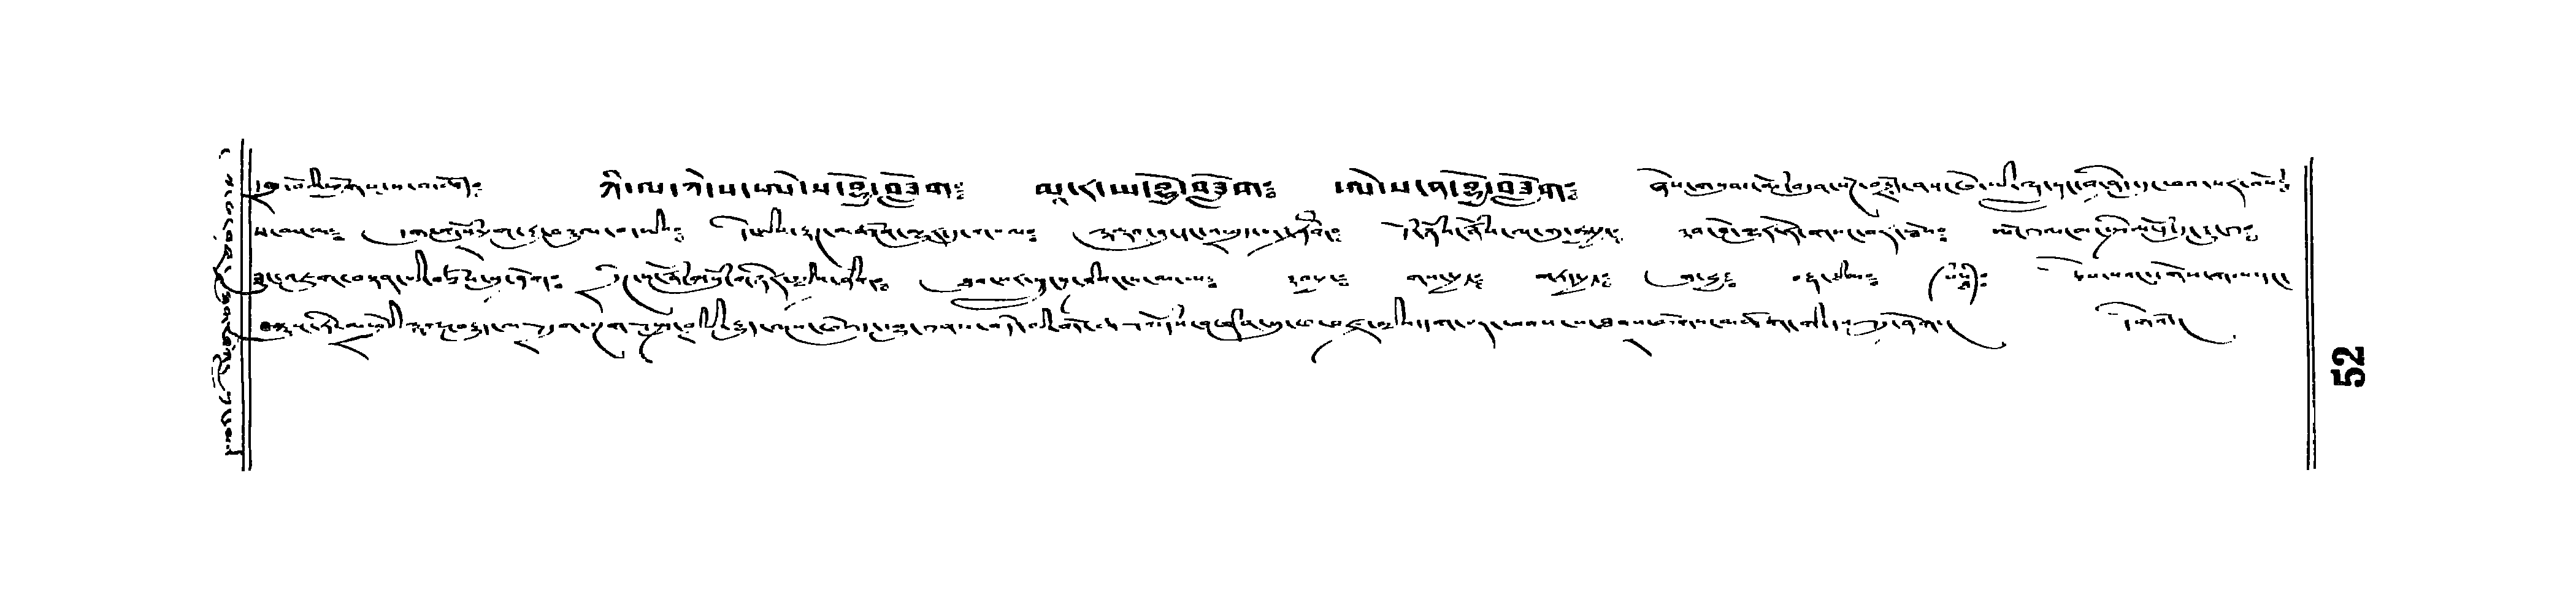དགྲ་པོའི་ཕྱོགས་སུ་མཆོད༔ ཀི་ལ་ཀེ་པ་ཨེ་ས་བྷྱོ་བཟློག༔ མཱ་ར་ཡ་བྷྱོ་བཟློག༔ ཨེ་ས་ན་བྷྱོ་བཟློག༔ ཞེས་གསུམ་མམ་བདུན་སོགས་བརྗོད་ནས་ཁོ་ཡི་ལྷ་སྲུང་གཤེད་དུ་ཕབ་པར་བསམ༔ 
ས་མ་ཡ༔ དགུ་གསུམ་དྲག་ཏུ་བསྐུལ་བ་ཡིས༔ དེ་ཡིས་རྟགས་མཚན་མྱུར་དུ་གསལ༔ སྐལ་ལྡན་བུ་དང་འཕྲད་པར་ཤོག༔ དམ་ཉམས་རྣམས་ལ་གུ་ཧྱ་རྒྱ༔ཟབ་བོ་མྱུར་རོ་གསང་བར་སྦོས༔ ཡོངས་ལམ་སྤེལ་དམ་དུ་ཟུངས༔ 
ཟུང་འཇུག་བསྟན་པའི་བཙས་སུ་ཤོག༔ དྲེགས་པ་རྣམ་གསུམ་གཉེར་གྱིས་ཤིག༔ ཐུབ་པར་སྲུངས་ཤིག་ས་མ་ཡ༔ ཟབ་རྒྱ༔ གསང་རྒྱ༔ གཏད་རྒྱ༔ གུ་ཧྱ༔ བརྡ་ཐིམ༔ ༔ ཅེས་པའང་དགོས་གལ་དང་
བསྟུན་ཏེ་མཁའ་འགྲོའི་སྙན་བརྒྱུད་ཀྱི་དྲག་སྔགས་སྤུ་གྲིའི་རྒྱུད་ལས་ཁོལ་དུ་ཕྱུང་ནས་བདེ་བའི་གོ་ཆས་གདམས་བཞིན་སུ་ཁ་བཛྲ་གྱིས་དག་པར་ཕབས་པ་ཐབས་གྲོགས་མཆོག་གི་དཔལ་དུ་ཤོག དགེའོ།།